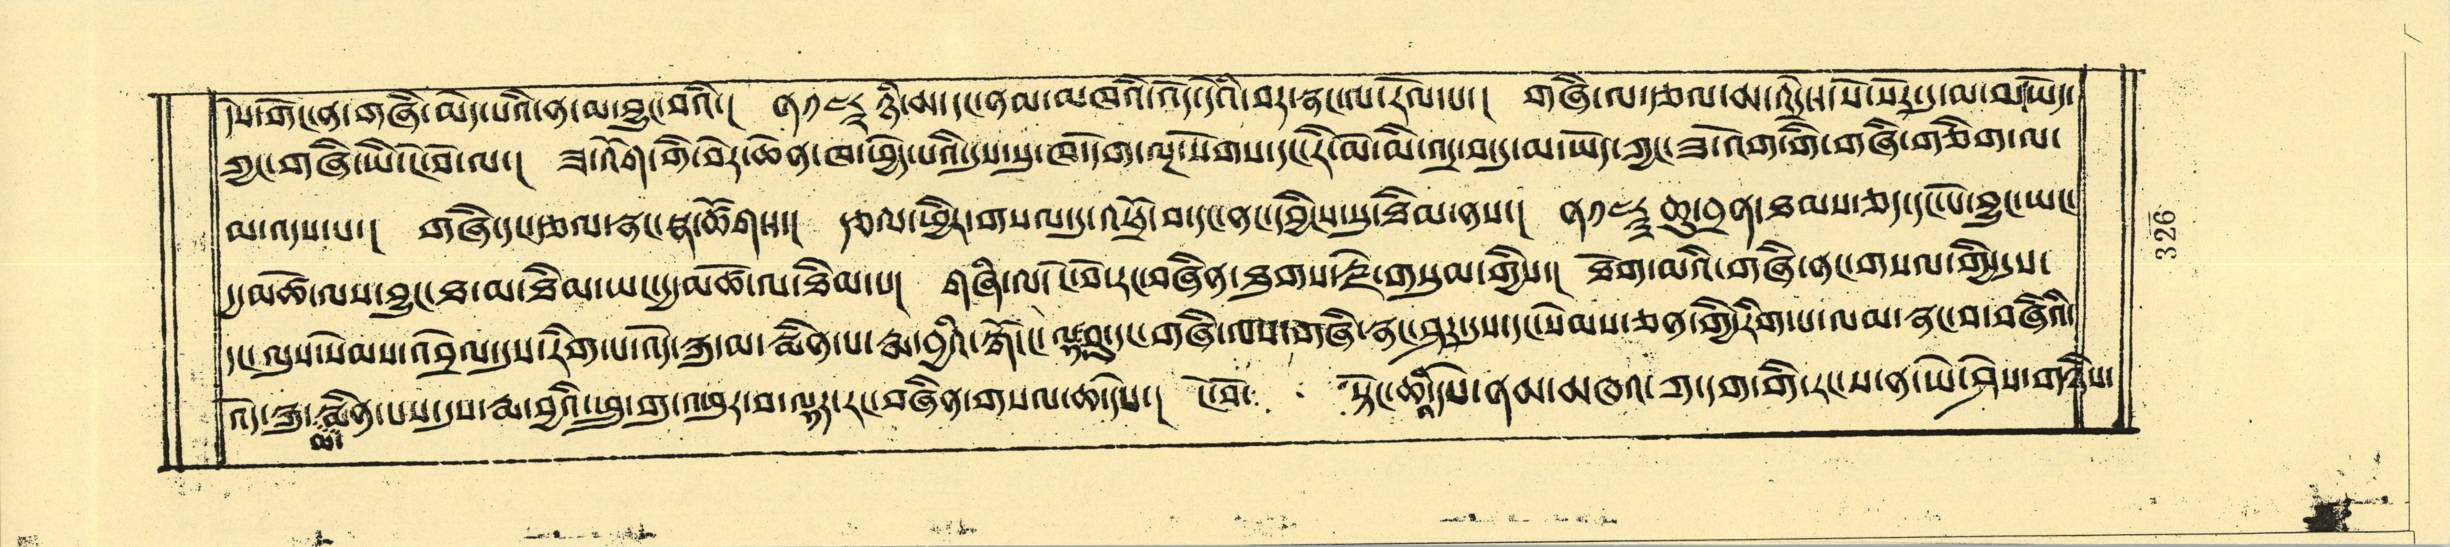དེས་གོང་ན་གཞི་མེད་པའི་ན་མ་བྱུང་བའི། ན༡༤༨།༢ ༼ཉི་མ་༽དང་ནམ་མཁའི་འོད་དེའི་བར་སྣང་ལ་རོལ་པ། གཞི་ལ་རྩལ་ ༼མ་འདྲེས་༽སོ་སོར་དུ་མ་བར་ཡོད་
ཀྱང་གཞི་ཡི་ངོ་བོ་ལ། ༼ཟ་འོག་༽གི་བེར་ཆེན་ཁ་ཕྱེད་པའི་དུས་སུ་ཁ་དོག་ལྔ་སོགས་དང་རི་མོ་མི་འདྲ་བ་དུ་མ་ཡོད་ཀྱང་ཟ་འོག་གི་གཞི་གཅིག་ལ་
མ་འདས་པ། གཞི་དང་རྩལ་སྣང་ ༼སྣ་ཚོགས།༽ ༼རྩལ་༽ཕྱིར་གསལ་དུ་ ༼འཕྲོ་༽བ་དང་ནང་དབྱིངས་སུ་ཐིམ་ནས། ན༡༤༨།༣ ༼ཆུ་བྲན་༽ཐམས་ཅད་དང་པོ་བྱུང་ཡང་
རྒྱ་མཚོ་ལས་བྱུང་ཐ་མ་ཐིམ་ཡང་རྒྱ་མཚོ་ལ་ཐིམ་པ། ༼གཞི་ལ་༽ངོ་བོ་རང་བཞིན་ཐུགས་རྗེ་གསུམ་གྱིས། ཐོག་མའི་གཞི་ནང་གསལ་གྱི་དུས་
དང་ལུས་སེམས་འབྲེལ་དུས་རིག་པ་འོད་སྐུ་མ་སྨིན་པ་ ༼རྨ་བྱའི་སྒོ་ང་༽ལྟ་བུ་དང་གཞི་ལས་གཞི་སྣང་ཤར་དུས་དང་སེམས་ཅན་གྱི་རིག་པ་ལམ་སྣང་བ་བཞིའི་
འོད་སྐུ་མ་སྨིན་པས་དུས་རྨ་བྱའི་ཕྲུ་གུ་འཕུར་བ་ལྟར་རང་བཞིན་གསལ་ཆ་དེས། ངོ་བོ་སྟོང་ཆའི་དཔེ་ ༼ནམ་མཁའ་༽ཀ་དག་གི་རང་ས་ནས་ཡེ་ཤེས་གཉིས་